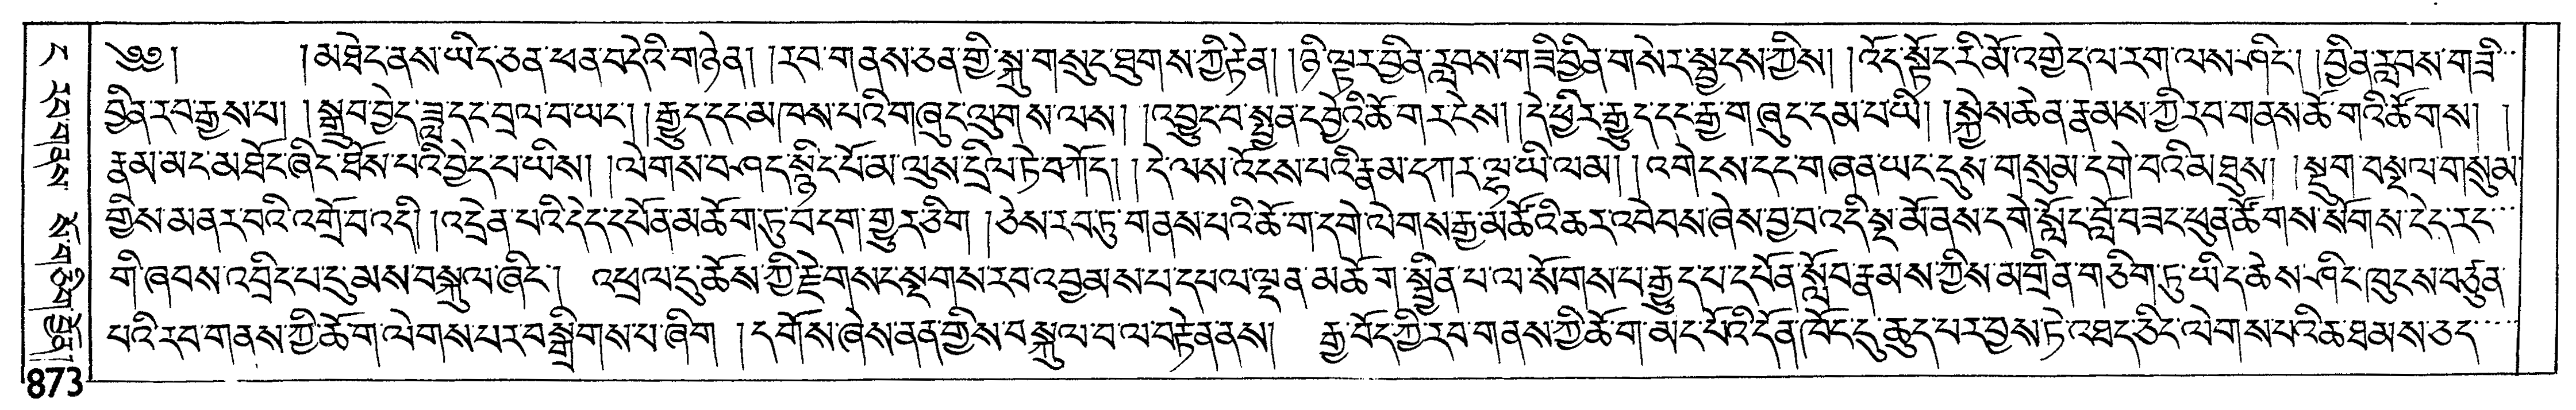༄༅། །མཐེང་ནས་ཡིད་ཅན་ཕན་བདེའི་གཉེན། །རབ་གནས་ཅན་གྱི་སྐུ་གསུང་ཐུགས་ཀྱི་རྟེན། །ཉི་ལྟར་བྱིན་རླབས་གཟི་བྱིན་གསེར་སྦྱངས་ཀྱིས། །འོད་སྟོང་རི་མོ་འགྱེད་ལ་རག་ལས་ཤིང་། །བྱིན་རླབས་གཟི་
བྱིན་རབ་རྒྱས་པ། །སྒྲུབ་བྱེད་ཟླ་དང་བྲལ་བ་ཡང་། །རྒྱུད་དང་མཁས་པའི་གཞུང་ལུགས་ལས། །འབྱུང་བ་སྤྱན་དབྱེའི་ཆོ་གར་ངེས། །དེ་ཕྱིར་རྒྱུད་དང་རྒྱ་གཞུང་དམ་པ་ཡི། །སྐྱེས་ཆེན་རྣམས་ཀྱི་རབ་གནས་ཆོ་གའི་ཚོགས།།
རྣམ་མང་མཐོང་ཞིང་ཐོས་པའི་བྱེད་པ་ཡིས། །ལེགས་བཤད་སྙིང་པོ་མ་ལུས་དྲིལ་ཏེ་བཀོད། །དེ་ལས་འོངས་པའི་རྣམ་དཀར་ལྷ་ཡི་ལམ། །འགེངས་དང་གཞན་ཡང་དུས་གསུམ་དགེ་བའི་མཐུས། །སྡུག་བསྔལ་གསུམ་
གྱིས་མནར་བའི་འགྲོ་བ་འདི། །འདྲེན་པའི་དེད་དཔོན་མཆོག་ཏུ་བདག་གྱུར་ཅིག །ཅེས་རབ་ཏུ་གནས་པའི་ཆོ་ག་དགེ་ལེགས་རྒྱ་མཚོའི་ཆར་འབེབས་ཞེས་བྱ་བ་འདི་སྔ་མོ་ནས་དགེ་སློང་བློ་བཟང་ཕུན་ཚོགས་སོགས་ངེད་རང་
གི་ཞབས་འབྲིང་པ་དུ་མས་བསྐུལ་ཞིང་། འཕྲལ་དུ་ཆོས་ཀྱི་རྗེ་གསང་སྔགས་རབ་འབྱམས་པ་དཔལ་ལྡན་མཆོག་སྦྱིན་པ་ལ་སོགས་པ་རྒྱུད་པ་དཔོན་སློབ་རྣམས་ཀྱིས་མགྲིན་གཅིག་ཏུ་ཡིད་ཆེས་ཤིང་ཁུངས་བཙུན་
པའི་རབ་གནས་ཀྱི་ཆོ་ག་ལེགས་པར་བསྒྲིགས་པ་ཞིག །དགོས་ཞེས་ནན་གྱིས་བསྐུལ་བ་ལ་བརྟེན་ནས། རྒྱ་བོད་ཀྱི་རབ་གནས་ཀྱི་ཆོ་ག་མང་པོའི་དོན་ཁོང་དུ་ཆུད་པར་བྱས་ཏེ་འཐད་ཅིང་ལེགས་པའི་ཆ་ཐམས་ཅད་